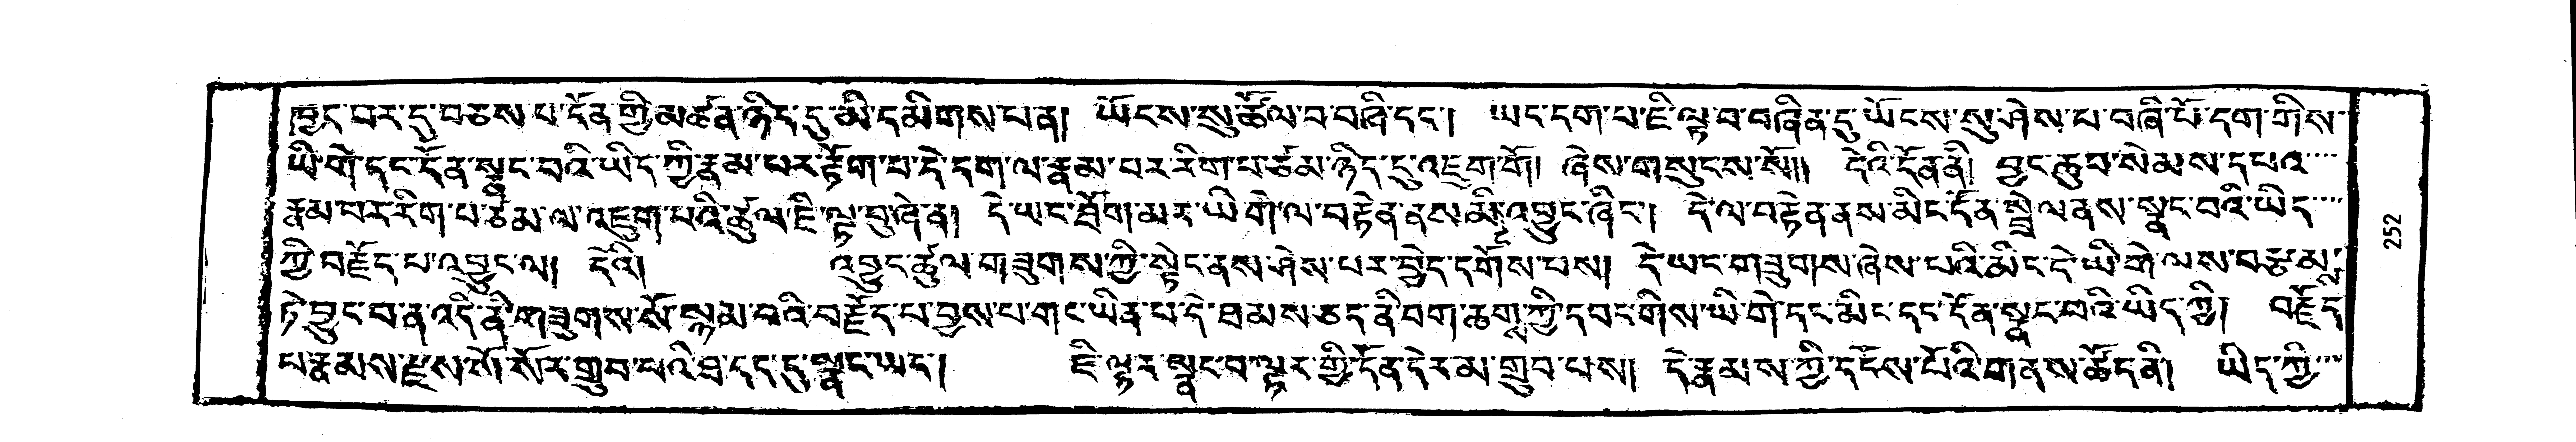ཁྱད་པར་དུ་བཅས་པ་དོན་གྱི་མཚན་ཉིད་དུ་མི་དམིགས་པ་ན། ཡོངས་སུ་ཚོལ་བ་བཞི་དང་། ཡང་དག་པ་ཇི་ལྟ་བ་བཞིན་དུ་ཡོངས་སུ་ཤེས་པ་བཞི་པོ་དག་གིས་
ཡི་གེ་དང་དོན་སྣང་བའི་ཡིད་ཀྱི་རྣམ་པར་རྟོག་པ་དེ་དག་ལ་རྣམ་པར་རིག་པ་ཙམ་ཉིད་དུ་འཇུག་གོ །ཞེས་གསུངས་སོ། །དེའི་དོན་ནི། བྱང་ཆུབ་སེམས་དཔའ་
རྣམ་པར་རིག་པ་ཙམ་ལ་འཇུག་པའི་ཚུལ་ཇི་ལྟ་བུ་ཞེ་ན། དེ་ཡང་ཐོག་མར་ཡི་གེ་ལ་བརྟེན་ནས་མིང་འབྱུང་ཞིང་། དེ་ལ་བརྟེན་ནས་མིང་དོན་སྤྲེལ་ནས་སྣང་བའི་ཡིད་
ཀྱི་བརྗོད་པ་འབྱུང་ལ། དེའི། འབྱུང་ཚུལ་གཟུགས་ཀྱི་སྟེང་ནས་ཤེས་པར་བྱེད་དགོས་པས། དེ་ཡང་གཟུགས་ཞེས་པའི་མིང་དེ་ཡི་གེ་ལས་བརྩམས་
ཏེ་བྱུང་བ་ན་འདི་ནི་གཟུགས་སོ་སྙམ་པའི་བརྗོད་པ་བྱས་པ་གང་ཡིན་པ་དེ་ཐམས་ཅད་ནི་བག་ཆགས་ཀྱི་དབང་གིས་ཡི་གེ་དང་མིང་དང་དོན་སྣང་བའི་ཡིད་ཀྱི། བརྗོད་
པ་རྣམས་རྫས་སོ་སོར་གྲུབ་པའི་ཐ་དད་དུ་སྣང་ཡང་། ཇི་ལྟར་སྣང་བ་ལྟར་གྱི་དོན་དེར་མ་གྲུབ་པས། དེ་རྣམས་ཀྱི་དངོས་པོའི་གནས་ཚོད་ནི། ཡིད་ཀྱི་